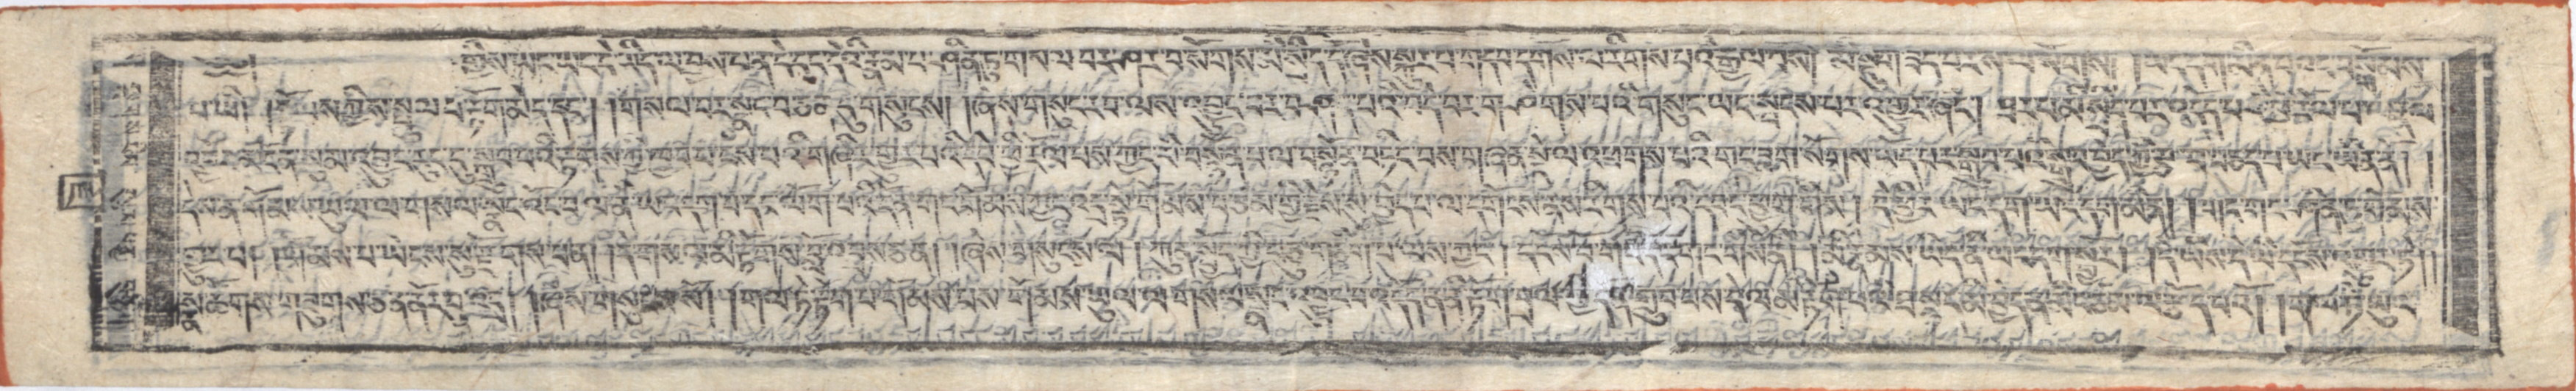༄༅། །གྱིས་ཡང་ཡང་དེ་ཡིད་ལ་བྱས་པ་ན་དེ་དང་དེའི་རྣམ་པ་ཤིན་ཏུ་གསལ་བར་ཤར་བ་སོགས་མི་སྲིད་དོ་ཞེས་སྐུར་བ་གདབ་དགོས་ལ་རིགས་པའི་རྒྱལ་པོས། མི་སྡུག་ཟད་པར་ས་ལ་སོགས། །ཡང་དག་མིན་པའང་བསྒོམས་
པ་ཡི། །སྟོབས་ཀྱིས་སྤྲུལ་པ་རྟོག་མེད་དང་། །གསལ་བར་སྣང་བ་ཅན་དུ་གསུངས། །ཞེས་གསུང་རབ་ལས་འབྱུང་བར་བཤད་པའི་བདེ་བར་གཤེགས་པའི་གསུང་ཡང་སྤངས་པར་འགྱུར་ཞིང་། ཐར་པ་མི་སྲིད་པར་འདོད་པའི་ཕྱི་རོལ་པ་ལ་རྣལ་
འབྱོར་མངོན་སུམ་འབྱུང་རུང་དུ་སྒྲུབ་པའི་རྟགས་ཀྱི་ཁྱབ་པ་ངེས་པའི་གཞིར་གྱུར་པའི་དཔེ་ཕྱི་རོལ་པས་ཀྱང་མི་བསྙོན་པ་ལ་བསྙོན་བཏིང་བས་གཞན་སྡེ་ལ་འཕགས་པའི་གང་ཟག་སོགས་ཡོད་པར་སྒྲུབ་པའི་སྒྲུབ་བྱེད་ཀྱི་རྩ་བ་བཅད་པ་ཡང་ཡིན་ནོ། །
དེས་ན་གོམས་ཡུལ་ལ་གསལ་སྣང་འོང་བ་ལ་ནི་ཡང་དག་པ་དང་ལོག་པའི་དོན་གང་གོམས་ཀྱང་འདྲ་སྟེ་གོམས་པ་ཙམ་གྱི་རྗེས་སུ་བྱེད་པ་ལ་དགོངས་ནས་རིགས་པའི་དབང་ཕྱུག་གིས། དེ་ཕྱིར་ཡང་དག་ཡང་དག་མིན། །གང་གང་ཤིན་ཏུ་གོམས་
གྱུར་པ། །གོམས་པ་ཡོངས་སུ་རྫོགས་པ་ན། །དེ་གསལ་མི་རྟོགས་བློ་འབྲས་ཅན། །ཞེས་གསུངས་ལ། ཀུན་སྤྱོད་ཀྱི་བཅུ་གཅིག་པ་ལས་ཀྱང་། དངོས་པོ་གང་དང་གང་གིས་ནི། །མི་རྣམས་ཡིད་ནི་ཡང་དག་སྦྱོར། །དེ་ཡིས་དེ་ཡི་དངོས་འགྱུར་ཏེ། །
སྣ་ཚོགས་གཟུགས་ཅན་ནོར་བུ་འདྲ། །ཞེས་གསུངས་སོ། །གལ་ཏེ་རྟོག་པ་གོམས་པས་གོམས་ཡུལ་ལ་གསལ་སྣང་འབྱུང་བ་འདོད་ན་ནི་རྟོག་བྲལ་གྱི་དོན་གྲུབ་པས་དེ་ལ་མི་རྟོག་པའི་ཐ་སྙད་མི་བྱེད་ན་མིང་ཙམ་ལ་རྩོད་པའོ། །གལ་ཏེ་ཡུལ་